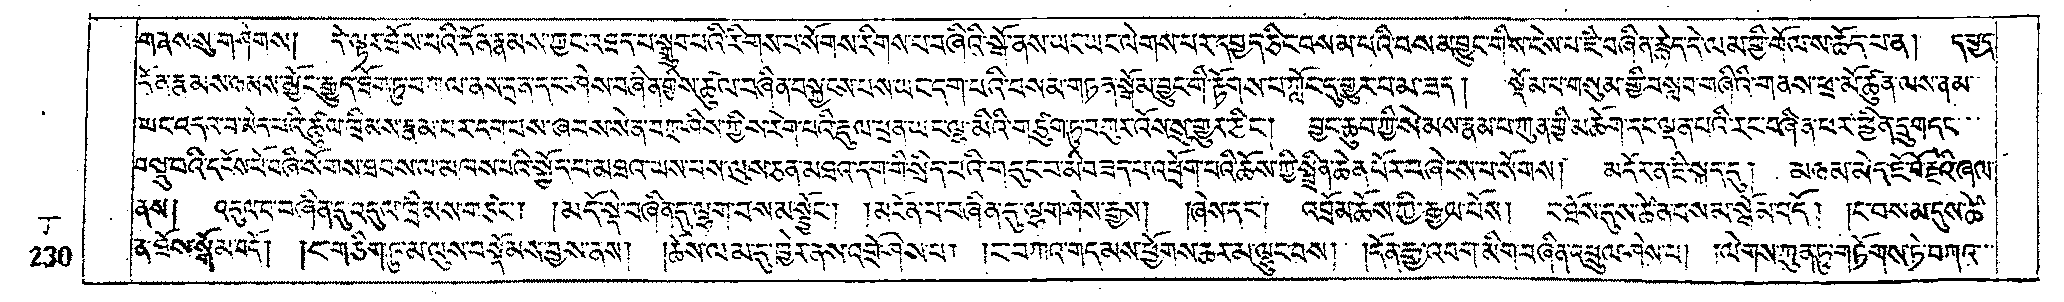གནས་སུ་གཤེགས། དེ་ལྟར་ཐོས་པའི་དོན་རྣམས་ཀྱང་འཐད་པ་སྒྲུབ་པའི་རིགས་པ་སོགས་རིགས་པ་བཞིའི་སྒོ་ནས་ཡང་ཡང་ལེགས་པར་དཔྱད་ཅིང་བསམ་པའི་བསམ་བྱུང་གི་ས་ངེས་པ་ཇི་བཞིན་རྙེད་དེ་ལམ་གྱི་གོལ་ས་ཆོད་པ་ན། དཔྱད་
དོན་རྣམས་ཉམས་མྱོང་རྒྱུད་ཐོག་ཏུ་བཀལ་ནས་དྲན་དང་ཤེས་བཞིན་གྱིས་ཚུལ་བཞིན་བསྐྱངས་པས་ཡང་དག་པའི་བསམ་གཏན་སྒོམ་བྱུང་གི་རྟོགས་པ་ཀློང་དུ་གྱུར་པ་མ་ཟད། སྡོམ་པ་གསུམ་གྱི་བསླབ་གཞིའི་གནས་ཕྲ་མོ་ཚུན་ལས་ནམ་་་
ཡང་འདའ་བ་མེད་པའི་ཚུལ་ཁྲིམས་རྣམ་པར་དག་པས་ཞབས་སེན་བཀྲ་ཤིས་ཀྱིས་རེག་པའི་རྡུལ་ཕྲན་ཡང་ལྷ་མིའི་གཙུག་ཏུ་བཀུར་འོས་སུ་གྱུར་ཅིང་། བྱང་ཆུབ་ཀྱི་སེམས་རྣམ་པ་ཀུན་གྱི་མཆོག་དང་ལྡན་པའི་རང་བཞིན་ཕར་ཕྱིན་དྲུག་དང་་་
བསྡུ་བའི་དངོས་པོ་བཞི་སོགས་ཐབས་ལ་མཁས་པའི་སྤྱོད་པ་མཐའ་ཡས་པས་ལུས་ཅན་མཐའ་དག་གི་སྲིད་པའི་གདུང་བ་མི་བཟད་པ་འཕྲོག་པའི་ཆོས་ཀྱི་སྤྲིན་ཆེན་པོར་བཞེངས་པ་སོགས། མདོར་ན་ཇི་སྐད་དུ། མཉམ་མེད་ཇོ་བོ་རྗེའི་ཞལ་
ནས། འདུལ་བ་བཞིན་དུ་འདུལ་ཁྲིམས་གཙང་། །མདོ་སྡེ་བཞིན་དུ་ལྷག་བསམ་སྦྱོང་། །མངོན་པ་བཞིན་དུ་ལྷག་ཤེས་རྒྱས། །ཞེས་དང་། འབྲོམ་ཆོས་ཀྱི་རྒྱལ་པོས། ང་ཐོས་དུས་ཚེ་ན་བསམ་སྒོམ་བདོ། །ང་བསམ་དུས་ཚེ་
ན་ཐོས་སྒོམ་བདོ། །ང་གཅིག་ཏུ་མ་ལུས་བསྡོམས་བྱས་ནས། །ཆོས་ལམ་དུ་ཁྱེན་ནས་འགྲོ་ཤེས་པ། །ང་བཀའ་གདམས་ཕྱོགས་ཆར་མ་ལྷུང་བས། །དོན་རྒྱ་འབག་མིག་བཞིན་འཕྲུལ་ཤེས་པ། །ལེགས་ཀུན་ཏུ་གཏོགས་ཏེ་བཀའ་་་